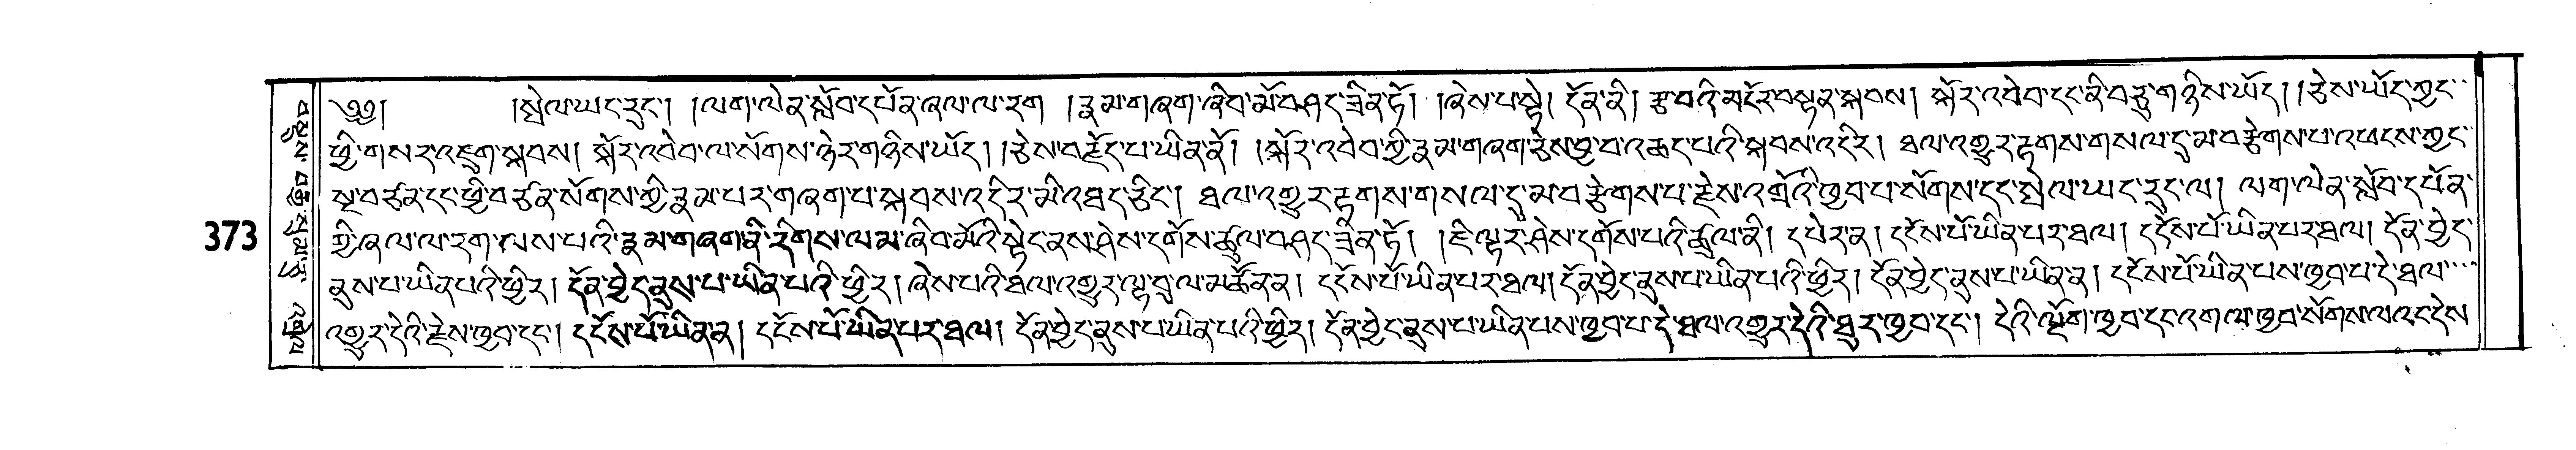༄༅། །སྤེལ་ཡང་རུང་། །ལག་ལེན་སློབ་དཔོན་ཞལ་ལ་རག ། རྣམ་གཞག་ཞིབ་མོ་བཤད་ཟིན་ཏོ། །ཞེས་པ་སྟེ། དོན་ནི། རྩ་བའི་མངོར་བསྟན་སྐབས། སྐོར་འབེབ་དང་ནི་བཅུ་གཉིས་ཡོད། །ཅེས་ཡོད་ཀྱང་
ཕྱི་གསར་འཇུག་སྐབས། སྐོར་འབེབས་ལ་སོགས་ཉེར་གཉིས་ཡོད། །ཅེས་བརྗོད་པ་ཡིན་ནོ། །སྐོར་འབེབས་ཀྱི་རྣམ་གཞག་ཅེས་བྱ་བ་འཆང་པའི་སྐབས་འདིར། ཐལ་འགྱུར་རྟགས་གསལ་དུ་མ་བརྩེགས་པ་འཕངས་ཀྱང་
སྔ་བཙན་དང་ཕྱི་བཙན་སོགས་ཀྱི་རྣམ་པར་གཞག་པ་སྐབས་འདིར་མི་འཐད་ཅིང་། ཐལ་འགྱུར་རྟགས་གསལ་དུ་མ་བརྩེགས་པ་རྗེས་འགྲོའི་ཁྱབ་པ་སོགས་དང་སྤེལ་ཡང་རུང་ལ། ལག་ལེན་སློབ་དཔོན་
གྱི་ཞལ་ལ་རག་ལས་པའི་རྣམ་གཞག་ནི་རིགས་ལམ་ཞིབ་མོའི་སྟེང་ནས་ཤེས་དགོས་ཚུལ་བཤད་ཟིན་ཏོ། །ཇི་ལྟར་ཤེས་དགོས་པའི་ཚུལ་ནི། དཔེར་ན། དངོས་པོ་ཡིན་པར་ཐལ། དངོས་པོ་ཡིན་པར་ཐལ། དོན་བྱེད་
ནུས་པ་ཡིན་པའི་ཕྱིར། དོན་བྱེད་ནུས་པ་ཡིན་པའི་ཕྱིར། ཞེས་པའི་ཐལ་འགྱུར་ལྟ་བུ་ལ་མཚོན་ན། དངོས་པོ་ཡིན་པར་ཐལ། དོན་བྱེད་ནུས་པ་ཡིན་པའི་ཕྱིར། དོན་བྱེད་ནུས་པ་ཡིན་ན། དངོས་པོ་ཡིན་པས་ཁྱབ་པ་དེ་ཐལ་
འགྱུར་དེའི་རྗེས་ཁྱབ་དང་། དངོས་པོ་ཡིན་ན། དངོས་པོ་ཡིན་པར་ཐལ། དོན་བྱེད་ནུས་པ་ཡིན་པའི་ཕྱིར། དོན་བྱེད་ནུས་པ་ཡིན་པས་ཁྱབ་པ་དེ་ཐལ་འགྱུར་དེའི་ཐུར་ཁྱབ་དང་། དེའི་ལྡོག་ཁྱབ་དང་འགལ་ཁྱབ་སོགས་ལའང་དེས་